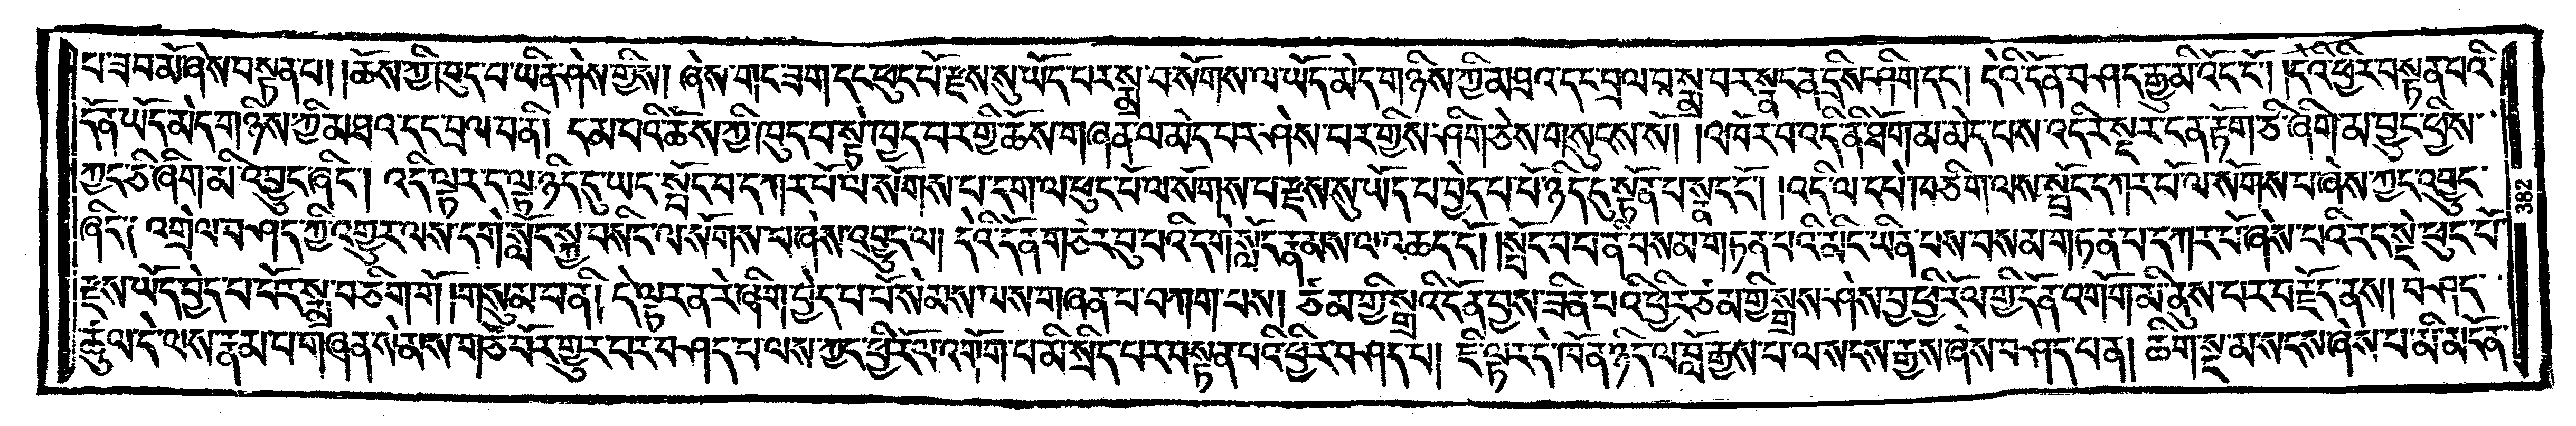པ་ཟབ་མོ་ཞེས་བསྟན་པ། །ཆོས་ཀྱི་ཁུད་པ་ཡིན་ཞེས་གྱིས། ཞེས་གང་ཟག་དང་ཕུང་པོ་རྫས་སུ་ཡོད་པར་སྨྲ་བ་སོགས་ལ་ཡོད་མེད་གཉིས་ཀྱི་མཐའ་དང་བྲལ་བ་སྨྲ་བར་སྣང་ན་དྲིས་ཤིག་དང་། དེའི་དོན་བཤད་རྒྱུ་མི་འོང་ངོ། །དེའི་ཕྱིར་བསྟན་པའི་
དོན་ཡོད་མེད་གཉིས་ཀྱི་མཐའ་དང་བྲལ་བ་ནི། དམ་པའི་ཆོས་ཀྱི་ཁུད་པ་སྟེ་ཁྱད་པར་གྱི་ཆོས་གཞན་ལ་མེད་པར་ཤེས་པར་གྱིས་ཤིག་ཅེས་གསུངས་སོ། །འཁོར་བ་འདི་ནི་ཐོག་མ་མེད་པས་འདིར་སྔར་ངན་རྟོག་ཅི་ཞིག་མ་བྱུང་ཕྱིས་
ཀྱང་ཅི་ཞིག་མི་འབྱུང་ཞིང་། འདི་ལྟར་ད་ལྟ་ཉིད་དུ་ཡང་སྤོང་བ་དཀར་པོ་ལ་སོགས་པ་དག་ལ་ཕུང་པོ་ལ་སོགས་པ་རྫས་སུ་ཡོད་པ་བྱེད་པ་པོ་ཉིད་དུ་སྟོན་པ་སྣང་ངོ། །འདི་ལ་དཔེ་ཁ་ཅིག་ལས་སྤོང་དཀར་པོ་ལ་སོགས་པ་ཞེས་ཀྱང་འབྱུང་
ཞིང༑ འགྲེལ་བཤད་ཀྱི་འགྱུར་ལས་དགེ་སློང་སྐྱ་བ་སིང་ལ་སོགས་པ་ཞེས་འབྱུང་ལ། དེའི་དོན་གཅེར་བུ་པའི་དགེ་སློང་རྣམས་ལ་འཆད་དོ། །སྤོང་བ་པ་ནི་བསམ་གཏན་པའི་མིང་ཡིན་པས་བསམ་གཏན་པ་དཀར་པོ་ཞེས་པའི་རང་སྡེ་ཕུང་པོ་
རྫས་ཡོད་བྱེད་པ་པོར་སྨྲ་བ་ཞིག་གོ །གསུམ་པ་ནི། དེ་ལྟར་ན་རེ་ཞིག་བྱེད་པ་པོ་སེམས་ལས་གཞན་པ་བཀག་པས། ཙམ་གྱི་སྒྲའི་དོན་བྱས་ཟིན་པའི་ཕྱིར་ཙམ་གྱི་སྒྲས་ཤེས་བྱ་ཕྱི་རོལ་གྱི་དོན་འགོག་མི་ནུས་པར་བརྗོད་ནས། བཤད་
ཚུལ་དེ་ལས་རྣམ་པ་གཞན་སེམས་གཙོ་བོར་གྱུར་པར་བཤད་པ་ལས་ཀྱང་ཕྱི་རོལ་འགོག་པ་མི་སྲིད་པར་བསྟན་པའི་ཕྱིར་བཤད་པ། ཇི་ལྟར་དེ་ཁོ་ན་ཉིད་ལ་བློ་རྒྱས་པ་ལ་སངས་རྒྱས་ཞེས་བཤད་པ་ན། ཚིག་སྔ་མ་སངས་ཞེས་པ་མི་མངོན་